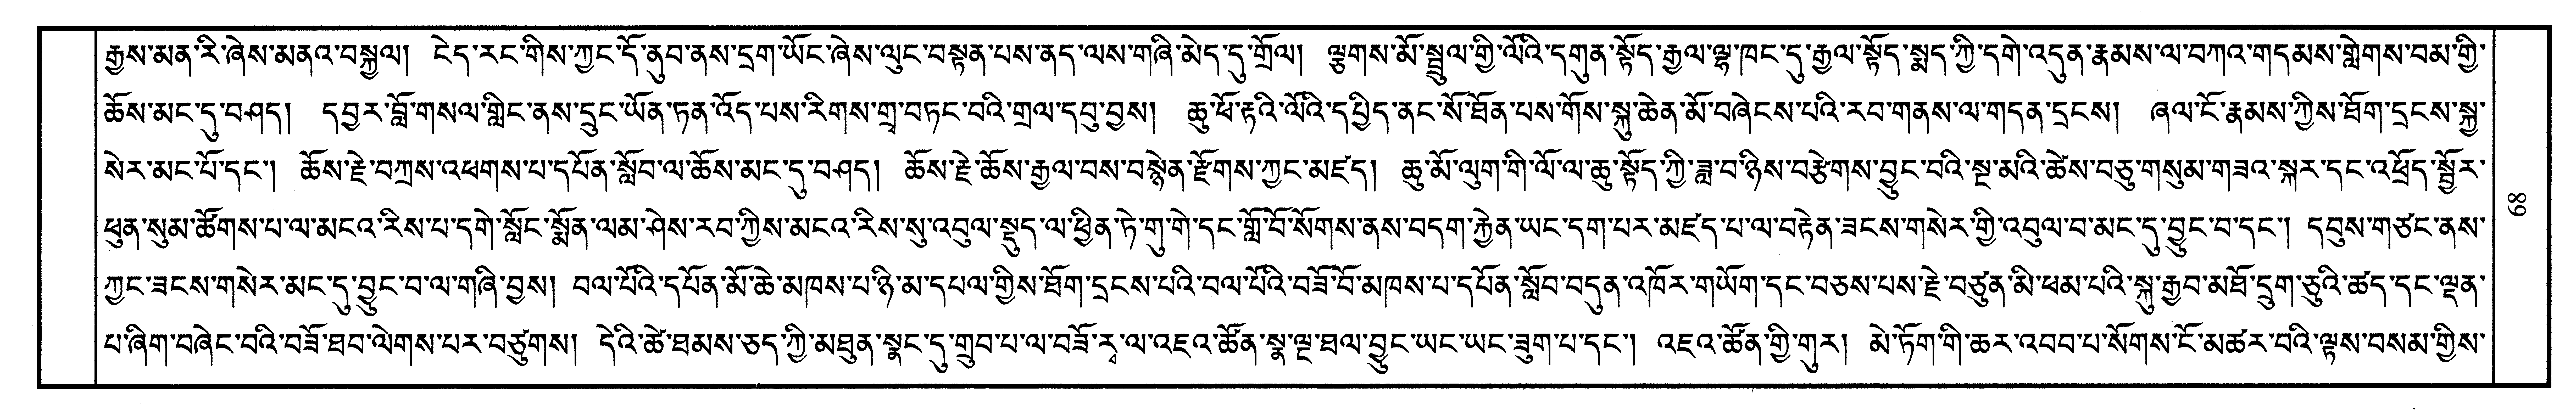རྒྱས་མན་རི་ཞེས་མནའ་བསྐྱལ། ངེད་རང་གིས་ཀྱང་དོ་ནུབ་ནས་དྲག་ཡོང་ཞེས་ལུང་བསྟན་པས་ནད་ལས་གཞི་མེད་དུ་གྲོལ། ལྕགས་མོ་སྦྲུལ་གྱི་ལོའི་དགུན་སྟོད་རྒྱལ་ལྷ་ཁང་དུ་རྒྱལ་སྟོད་སྨད་ཀྱི་དགེ་འདུན་རྣམས་ལ་བཀའ་གདམས་གླེགས་བམ་གྱི་
ཆོས་མང་དུ་བཤད། དབྱར་བློ་གླིང་ནས་དྲུང་ཡོན་ཏན་འོད་པས་རིགས་གྲྭ་བཏང་བའི་གྲལ་དབུ་བྱས། ཆུ་ཕོ་རྟའི་ལོའི་དཔྱིད་ནང་སོ་ཐོན་པས་གོས་སྐུ་ཆེན་མོ་བཞེངས་པའི་རབ་གནས་ལ་གདན་དྲངས། ཞལ་ངོ་རྣམས་ཀྱི་ཐོག་དྲངས་སྐྱ་
སེར་མང་པོ་དང་། ཆོས་རྗེ་བཀྲས་འཕགས་པ་དཔོན་སློབ་ལ་ཆོས་མང་དུ་བཤད། ཆོས་རྗེ་ཆོས་རྒྱལ་བ་བསྙེན་རྫོགས་ཀྱང་མཛད། ཆུ་མོ་ལུག་གི་ལོ་ལ་ཆུ་སྟོད་ཀྱི་ཟླ་བ་ཉིས་བརྩེགས་བྱུང་བའི་སྔ་མའི་ཚེས་བཅུ་གསུམ་གཟའ་སྐར་དང་འཕྲོད་སྦྱོར་
ཕུན་སུམ་ཚོགས་པ་ལ་མངའ་རིས་པ་དགེ་སློང་སྨོན་ལམ་ཤེས་རབ་ཀྱིས་མངའ་རིས་སུ་འབུལ་སྡུད་ལ་ཕྱིན་ཏེ་གུ་གེ་དང་གློ་བོ་སོགས་ནས་བདག་རྐྱེན་ཡང་དག་པར་མཛད་པ་ལ་བརྟེན་ཟངས་གསེར་གྱི་འབུལ་བ་མང་དུ་བྱུང་བ་དང་། དབུས་གཙང་ནས་
ཀྱང་ཟངས་གསེར་མང་དུ་བྱུང་བ་ལ་གཞི་བྱས། བལ་པོའི་དཔོན་མོ་ཆེ་མཁས་པ་ཉི་མ་དཔལ་གྱིས་ཐོག་དྲངས་པའི་བལ་པོའི་བཟོ་བོ་མཁས་པ་དཔོན་སློབ་བདུན་འཁོར་གཡོག་དང་བཅས་པས་རྗེ་བཙུན་མི་ཕམ་པའི་སྐུ་རྒྱབ་མཐོ་དྲུག་ཅུའི་ཚད་དང་ལྡན་
པ་ཞིག་བཞེང་བའི་བཟོ་ཐབ་ལེགས་པར་བཙུགས། དེའི་ཚེ་ཐམས་ཅད་ཀྱི་མཐུན་སྣང་དུ་གྲུབ་པ་ལ་བཟོ་རྭ་ལ་འཇའ་ཚོན་སྣ་ལྔ་ཐལ་བྱུང་ཡང་ཡང་ཟུག་པ་དང་། འཇའ་ཚོན་གྱི་གུར། མེ་ཏོག་གི་ཆར་འབབ་པ་སོགས་ངོ་མཚར་བའི་ལྟས་བསམ་གྱིས་